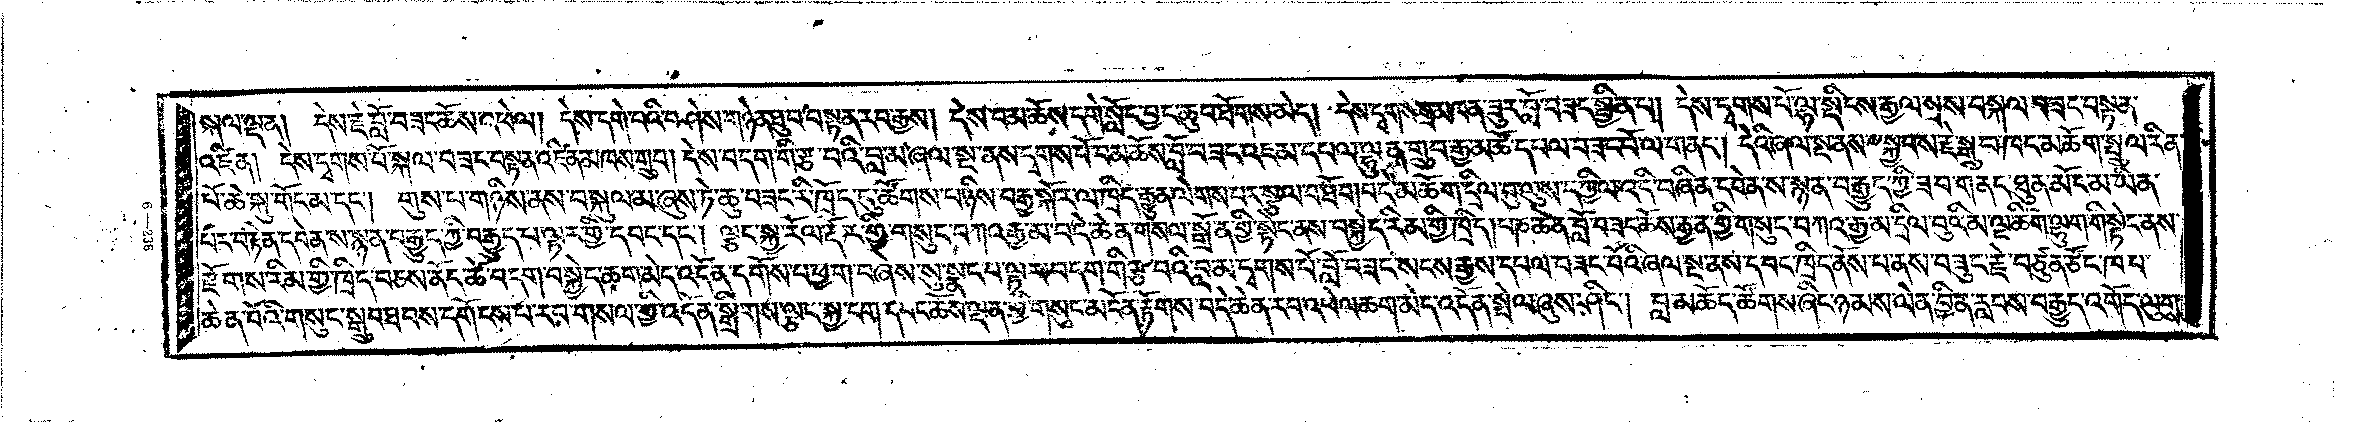སྐལ་ལྡན། དེས་རྗེ་བློ་བཟང་ཆོས་འཕེལ། དེས་དགེ་བའི་བཤེས་གཉེན་ཐུབ་བསྟན་རབ་རྒྱས། དེས་བ་མཆོས་དགེ་སློང་བྱང་ཆུབ་འཐོགས་མེད། དེས་དྭགས་གྲ་མཁན་ཟུར་བློ་བཟང་སྦྱིན་པ། དེས་དྭགས་པོ་ལྷ་སྡིངས་རྒྱལ་སྲས་བསྐལ་བཟང་བསྟན་
འཛིན། དེས་དྭགས་པོ་སྐལ་བཟང་བསྟན་འཛིན་མཁས་གྲུབ། དེས་བདག་གི་རྩ་བའི་བླ་མ་ཞལ་སྔ་ནས་དྭགས་བོ་བམ་ཆོས་བློ་བཟང་འཇམ་དཔལ་ལྷུན་གྲུབ་རྒྱ་མཚོ་དཔལ་བཟང་བོ་ལ་གནང་། དེའི་ཞལ་སྔ་ནས་༈སྐྱབས་རྗེ་སྒྲུབ་ཁང་མཆོག་སྤྲུལ་རིན་
པོ་ཆེ་སྐུ་གོང་མ་དང་། གུས་པ་གཉིས་ནས་བསྐུལ་མ་ཞུས་ཏེ་ཆུ་བཟང་རི་ཁྲོད་དུ་ཚོགས་པ་ཉིས་བརྒྱ་སྐོར་ལ་ཁྲིད་རྒྱུན་ལེགས་པར་སྩལ་བ་ཐོབ། བདེ་མཆོག་དྲིལ་བུ་ལུས་དཀྱིལ་འདི་བཞིན་དབེན་ས་སྙན་བརྒྱུད་ཀྱི་ཟབ་གནད་ཐུན་མོང་མ་ཡིན་
པར་བརྟེན་དབེན་ས་སྙན་བརྒྱུད་ཀྱི་བརྒྱུད་པ་ལྟར་གྱི་དབང་དང་། ལྕང་སྐྱ་རོལ་རྡོར་གྱི་གསུང་བཀའ་རྒྱ་མ་བདེ་ཆེན་གསལ་སྒྲོན་གྱི་སྟེང་ནས་བསྐྱེད་རིམ་གྱི་ཁྲིད། པཎ་ཆེན་བློ་བཟང་ཆོས་རྒྱན་གྱི་གསུང་བཀའ་རྒྱ་མ་དྲིལ་བུའི་མ་ལྔ་ཚིག་ལྷུག་གི་སྟེང་ནས་
རྫོགས་རིམ་གྱི་ཁྲིད་བཅས་ནོད་ཚེ་བདག་བསྐྱེད་ཆག་མེད་འདོན་དགོས་པ་ཕྱག་བཞེས་སུས་ནང་པ་ལྟར་བདག་གི་རྩ་བའི་བླ་མ་དྭགས་པོ་བློ་བཟང་སངས་རྒྱས་དཔལ་བཟང་པོའི་ཞལ་སྔ་ནས་དབང་ཁྲིད་ནོས་པ་ནས་བཟུང་རྗེ་བཙུན་ཙོང་ཁ་པ་
ཆེན་པོའི་གསུང་སྒྲུབ་ཐབས་དགོངས་པ་རབ་གསལ་གྱི་འདོན་སྒྲིགས་ལྕངས་སྐྱ་ངག་དབང་ཆོས་ལྡན་གྱི་གསུང་མངོན་རྟོགས་བདེ་ཆེན་རབ་འཕེལ་ཆག་མེད་འདོན་སྤེལ་ཞུས་ཤིང་། བླ་མཆོད་ཚོགས་ཞིང་ཉམས་ལེན་བྱིན་རླབས་བརྒྱུད་འགོད་ལུགས་